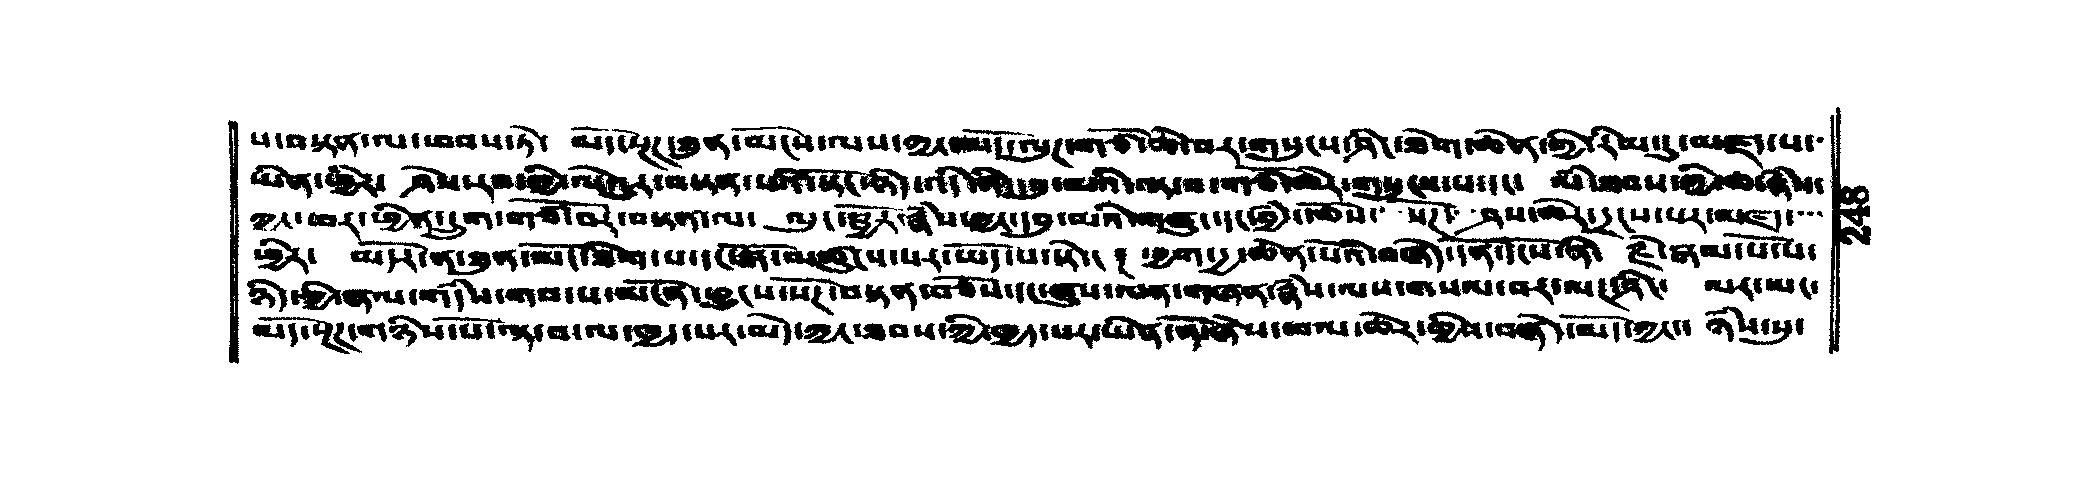པ་བསྟན་ལ་ཕབས་ཏེ། མདོ་སྔགས་ཐུན་མོང་ལས་ཀྱང་མདོ་ལུགས་གཙོ་ཆེ་བར་གསུངས་ཤིང་ཐེག་ཆེན་གྱི་ལམ་རིམ་དུ་མཛད་པ་
ཡིན་ཕྱིར། ཤེས་རབ་གྱི་ལེའུ་བསྟན་པའི་སྟོང་ཉིད་འདི་ནི་དབུ་མའི་ལྟ་བ་གཙོ་ཆེར་གསུངས་པ་དང་། ལམ་ཐབས་ཀྱི་ཆ་རྣམས་
ཀྱང་ཕར་ཕྱིན་དྲུག་གཙོ་བོར་བསྟན་ལ། ལུང་སྦྱོར་རྣམས་ཀྱང་དབུ་མའི་གཞུང་དང་བྱམས་ཆོས་སོགས་ཤས་ཆེར་དྲངས་པར་མཛད་
ཕྱིར། མདོར་ན་ཐུན་མོང་ཐེག་པ་དང་སྒོ་མཚུངས་པར་ཡོད་པ་སྟེ། ཕྱག་རྒྱ་ཆེན་པོའི་བཞེད་དོན་དངོས་ནི། རྗེ་སྒམ་པོ་པ་
ཉིད་ཀྱི་ཞལ་གདམས་གབ་པ་མངོན་ཕྱུངས་སོགས་བསྟན་བཅོས་དང་ཞུས་ལན་གཞན་རྣམས་ལས་གསལ་བར་ལགས་ཤིང་། ལར་ཡང་
མདོ་སྔགས་གཉིས་པོ་ལྟ་བ་ལ་ཁྱད་པར་མེད་ཀྱང་ཐབས་ཀྱི་ཁྱད་པར་ཡིན་ནོ་ཞེས་ཕལ་ཆེར་གྱིས་བཞེད་མོད་ཀྱང་། ཉམས་སུ་